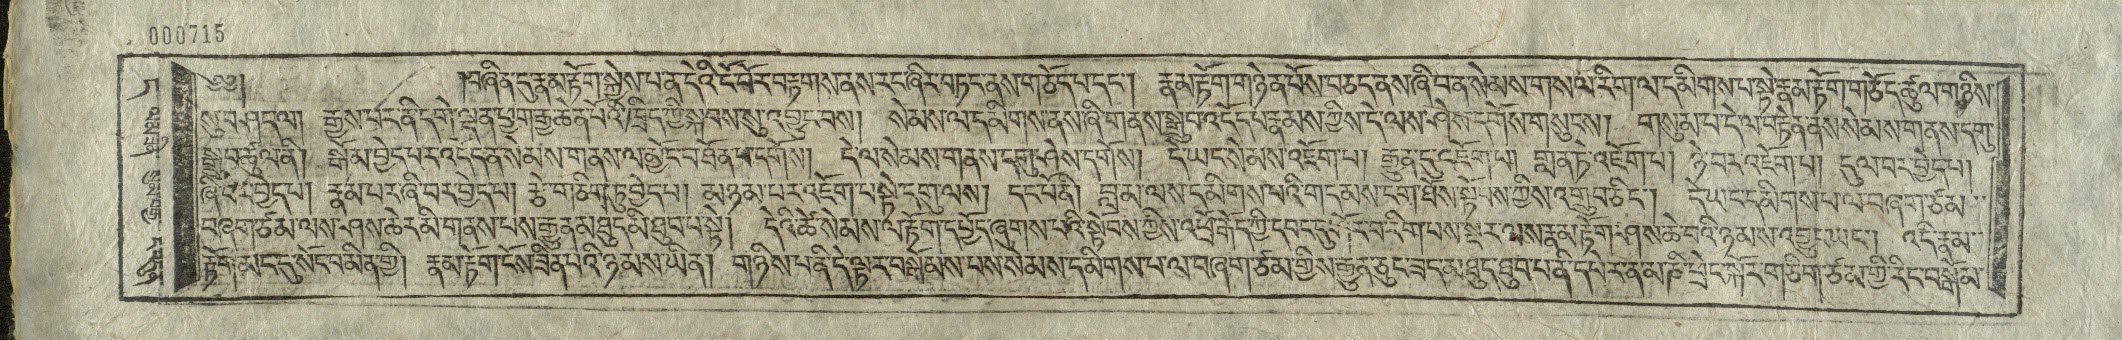༄༅། །བཞིན་དུ་རྣམ་རྟོག་སྐྱེས་པ་ན་དེའི་ངོ་བོར་བརྟགས་ནས་རང་ཞིར་བཏང་ནས་གཅོད་པ་དང་། རྣམ་རྟོག་གཉེན་པོས་བཅད་ནས་ཞི་བ་ན་སེམས་གསལ་རིག་ལ་དམིགས་པ་སྟེ་རྣམ་རྟོག་གཅོད་ཚུལ་གཉིས་
སུ་བཤད་ལ། རྒྱས་པར་ནི་དགེ་ལྡན་ཕྱག་རྒྱ་ཆེན་པོའི་ཁྲིད་ཀྱི་སྐབས་སུ་འབྱུང་བས། སེམས་ལ་དམིགས་ནས་ཞི་གནས་སྒྲུབ་འདོད་པ་རྣམས་ཀྱིས་དེ་ལས་ཤེས་དགོས་གསུངས། གསུམ་པ་དེ་ལས་བརྟེན་ནས་སེམས་གནས་དགུ་
སྒྲུབ་ཚུལ་ནི། སྒོམ་བྱེད་པར་འདོད་ན་སེམས་གནས་ལ་མྱོང་བ་ཐོན་པ་དགོས། དེ་ལ་སེམས་གནས་དགུ་ཤེས་དགོས། དེ་ཡང་སེམས་འཇོག་པ། རྒྱུན་དུ་འཇོག་པ། གླན་ཏེ་འཇོག་པ། ཉེ་བར་འཇོག་པ། དུལ་བར་བྱེད་པ།
ཞི་བར་བྱེད་པ། རྣམ་པར་ཞི་བར་བྱེད་པ། རྩེ་གཅིག་ཏུ་བྱེད་པ། མཉམ་པར་འཇོག་པ་སྟེ་དགུ་ལས། དང་པོ་ནི། བླ་མ་ལས་དམིགས་པའི་གདམས་ངག་ཐོས་སྟོབས་ཀྱིས་འགྲུབ་ཅིང་། དེ་ཡང་དམིགས་པ་ལ་བཞག་ཙམ་
བཞག་ཙམ་ལས་ཤས་ཆེར་མི་གནས་པས་རྒྱུན་མཐུད་མི་ཐུབ་པ་སྟེ། དེའི་ཚེ་སེམས་ལ་རྟོག་དཔྱོད་ཞུགས་པའི་སྟོབས་ཀྱིས་འཕྲོ་རྒོད་ཀྱི་དབང་དུ་ཤོར་བ་རིག་པས་སྔར་ལས་རྣམ་རྟོག་ཤས་ཆེ་བའི་ཉམས་འབྱུང་ཡང་། འདི་རྣམ་
རྟོག་མང་དུ་སོང་བ་མིན་གྱི། རྣམ་རྟོག་ངོས་ཟིན་པའི་ཉམས་ཡིན། གཉིས་པ་ནི་དེ་ལྟར་བསྒོམས་པས་སེམས་དམིགས་པ་ལ་བཞག་ཙམ་གྱིས་རྒྱུན་ཅུང་ཟད་མཐུད་ཐུབ་པ་ནི་དཔེར་ན་མ་ཎི་ཕྲེང་སྐོར་གཅིག་ཙམ་གྱི་རིང་བསྒོམ་